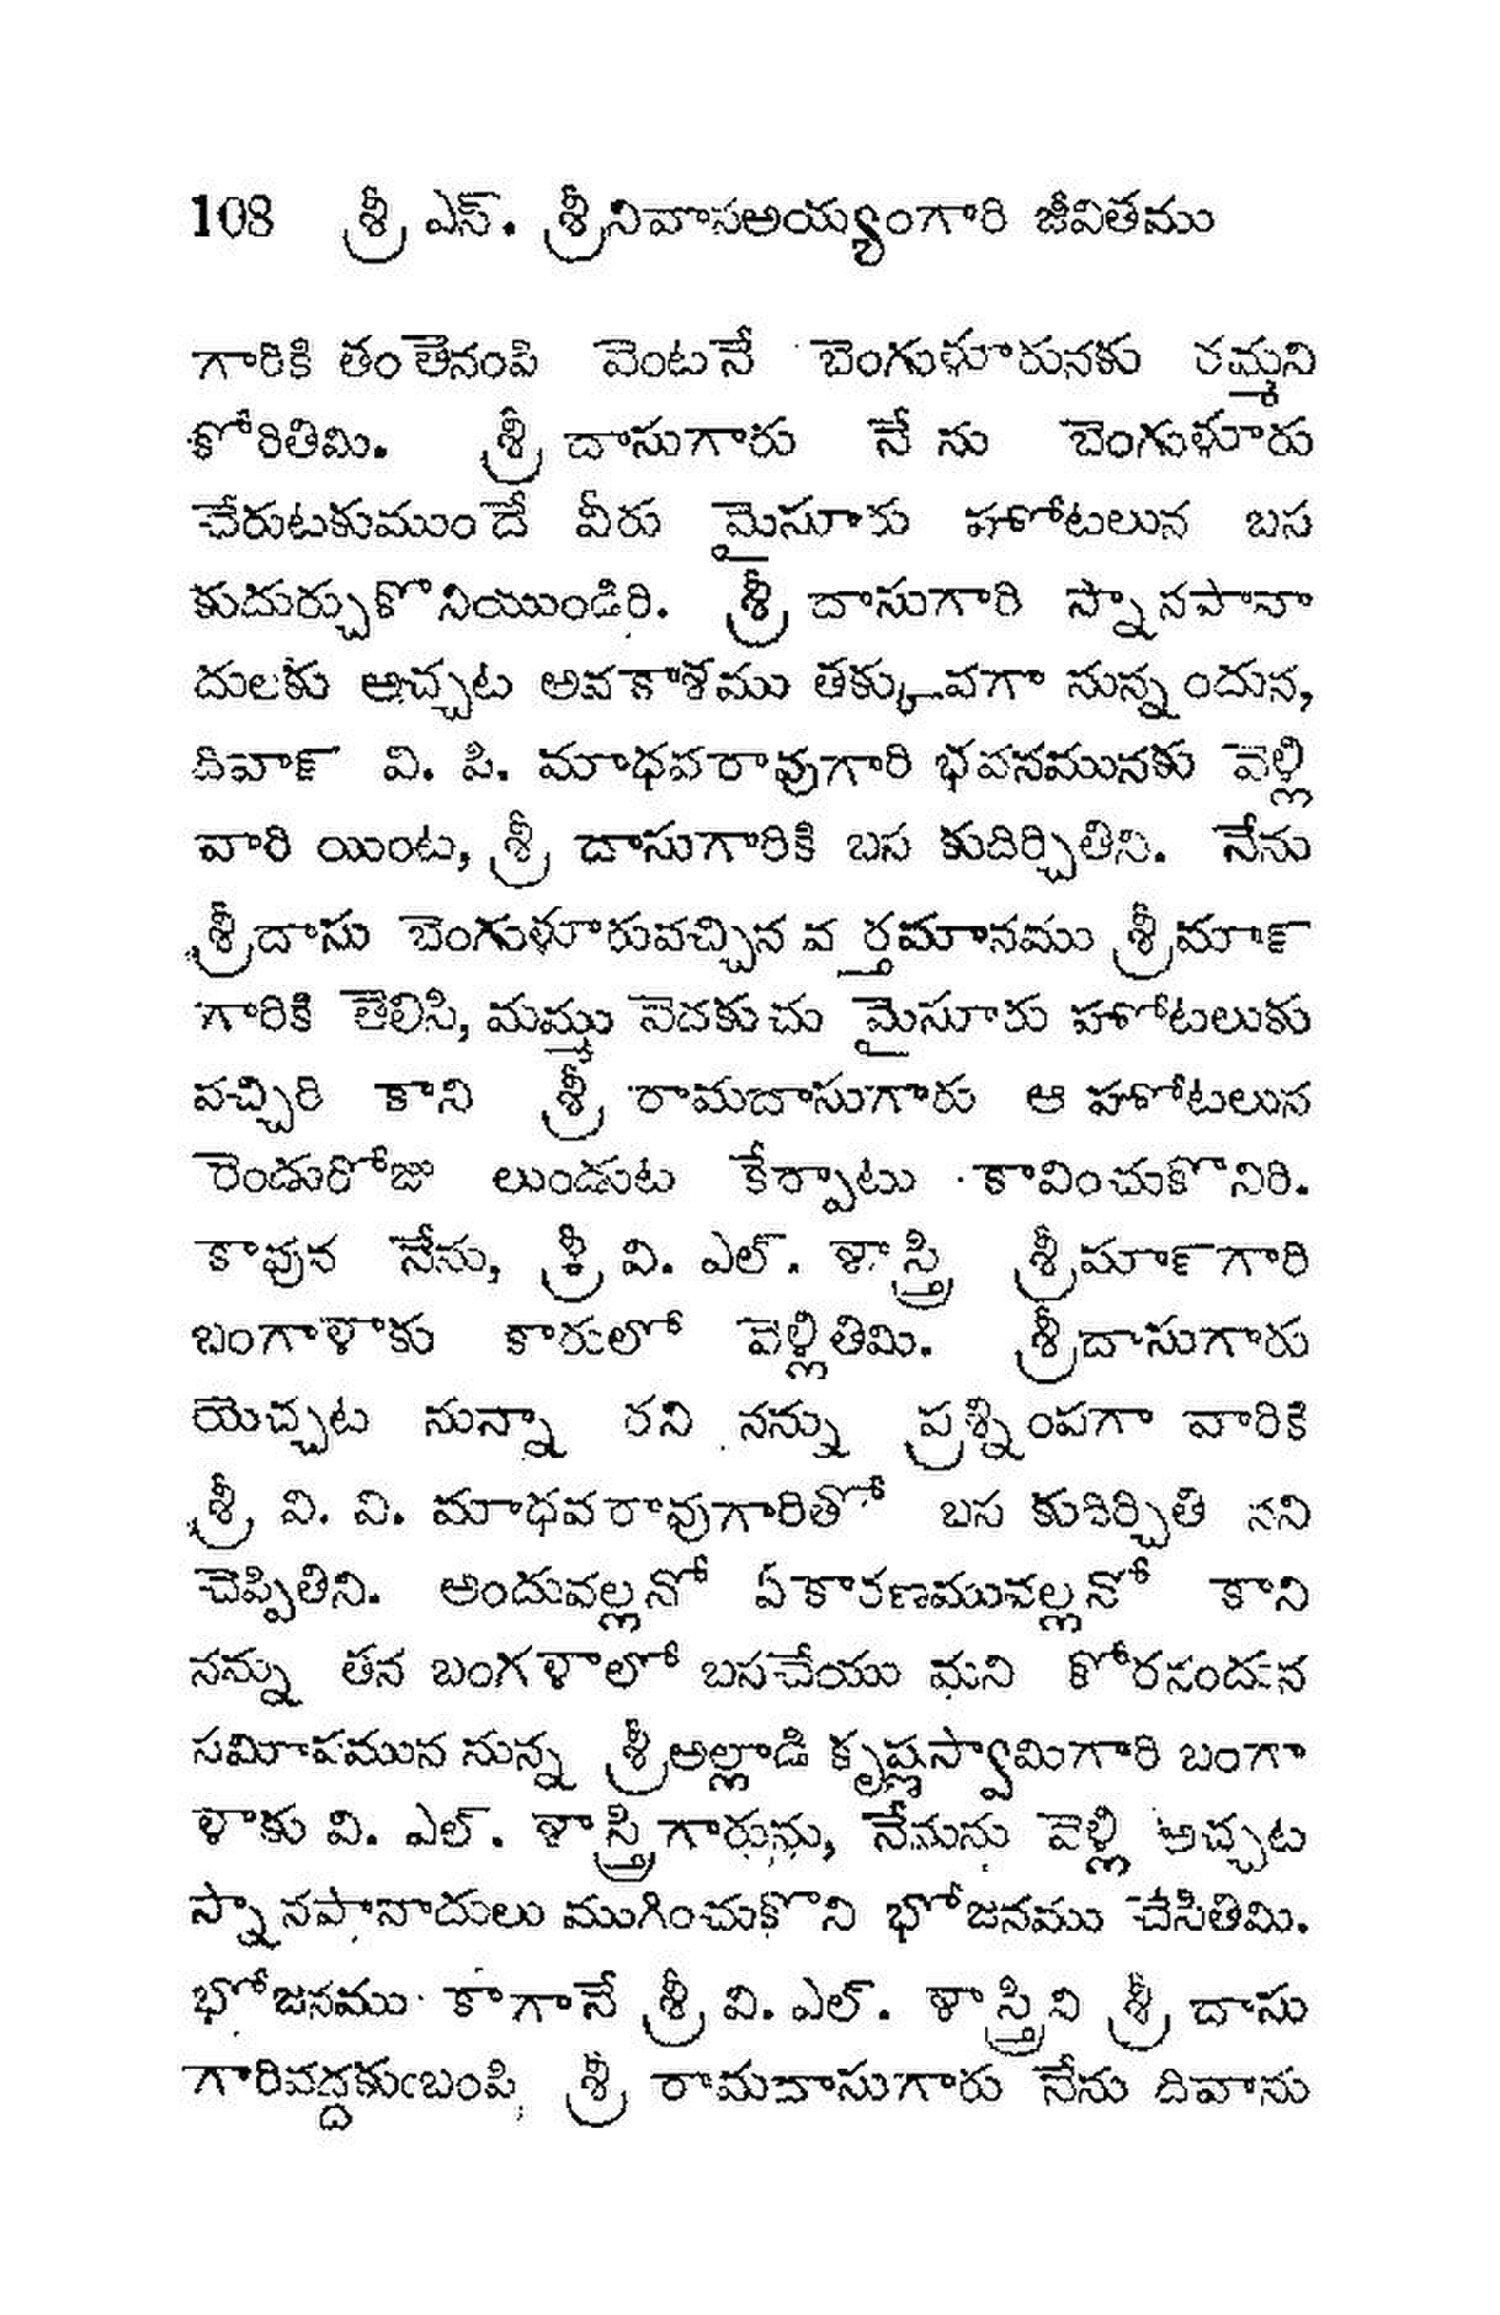గారికి తంతెనంపి వెంటనే బెంగుళూరునకు రమ్మని కోరితిమి. శ్రీ దాసుగారు నేను బెంగుళూరు చేరుటకుముందే వీరు మైసూరు హోటలున బస కుదుర్చుకొనియుండిరి. శ్రీ దాసుగారి స్నానపానాదులకు అచ్చట అవకాశము తక్కువగా నున్నందున, దివా౯ వి. పి. మాధవరావుగారి భవనమునకు వెళ్లి వారి యింట, శ్రీ దాసుగారికి బస కుదిర్చితిని. నేను శ్రీదాసు బెంగుళూరువచ్చిన వర్తమానము శ్రీమా౯గారికి తెలిసి, మమ్ము వెదకుచు మైసూరు హోటలుకు వచ్చిరి కాని శ్రీ రామదాసుగారు ఆ హోటలుస
రెండురోజు లుండుట కేర్పాటు కావించుకొనిరి. కావున నేను, శ్రీ వి. ఎల్. శాస్త్రి శ్రీమా౯గారి బంగాళాకు కారులో వెళ్లితిమి. శ్రీదాసుగారు యెచ్చట నున్నా రని నన్ను ప్రశ్నింపగా వారికి శ్రీ వి. వి. మాధవరావుగారితో బస కుదిర్చితి నని చెప్పితిని. అందువల్లనో ఏకారణమువల్లనో కాని నన్ను తన బంగళాలో బసచేయు మని కోరనందన సమీపమున నున్న శ్రీ అల్లాడి కృష్ణస్వామిగారి బంగాళాకు వి. ఎల్. శాస్త్రిగారును, నేనును వెళ్లి అచ్చట స్నానపానాదులు ముగించుకొని భోజనము చేసితిమి.
భోజనము కాగానే శ్రీ వి. ఎల్. శాస్త్రిని శ్రీ దాసు గారివద్దకుఁబంపి, శ్రీ రామదాసుగారు నేను దివాను